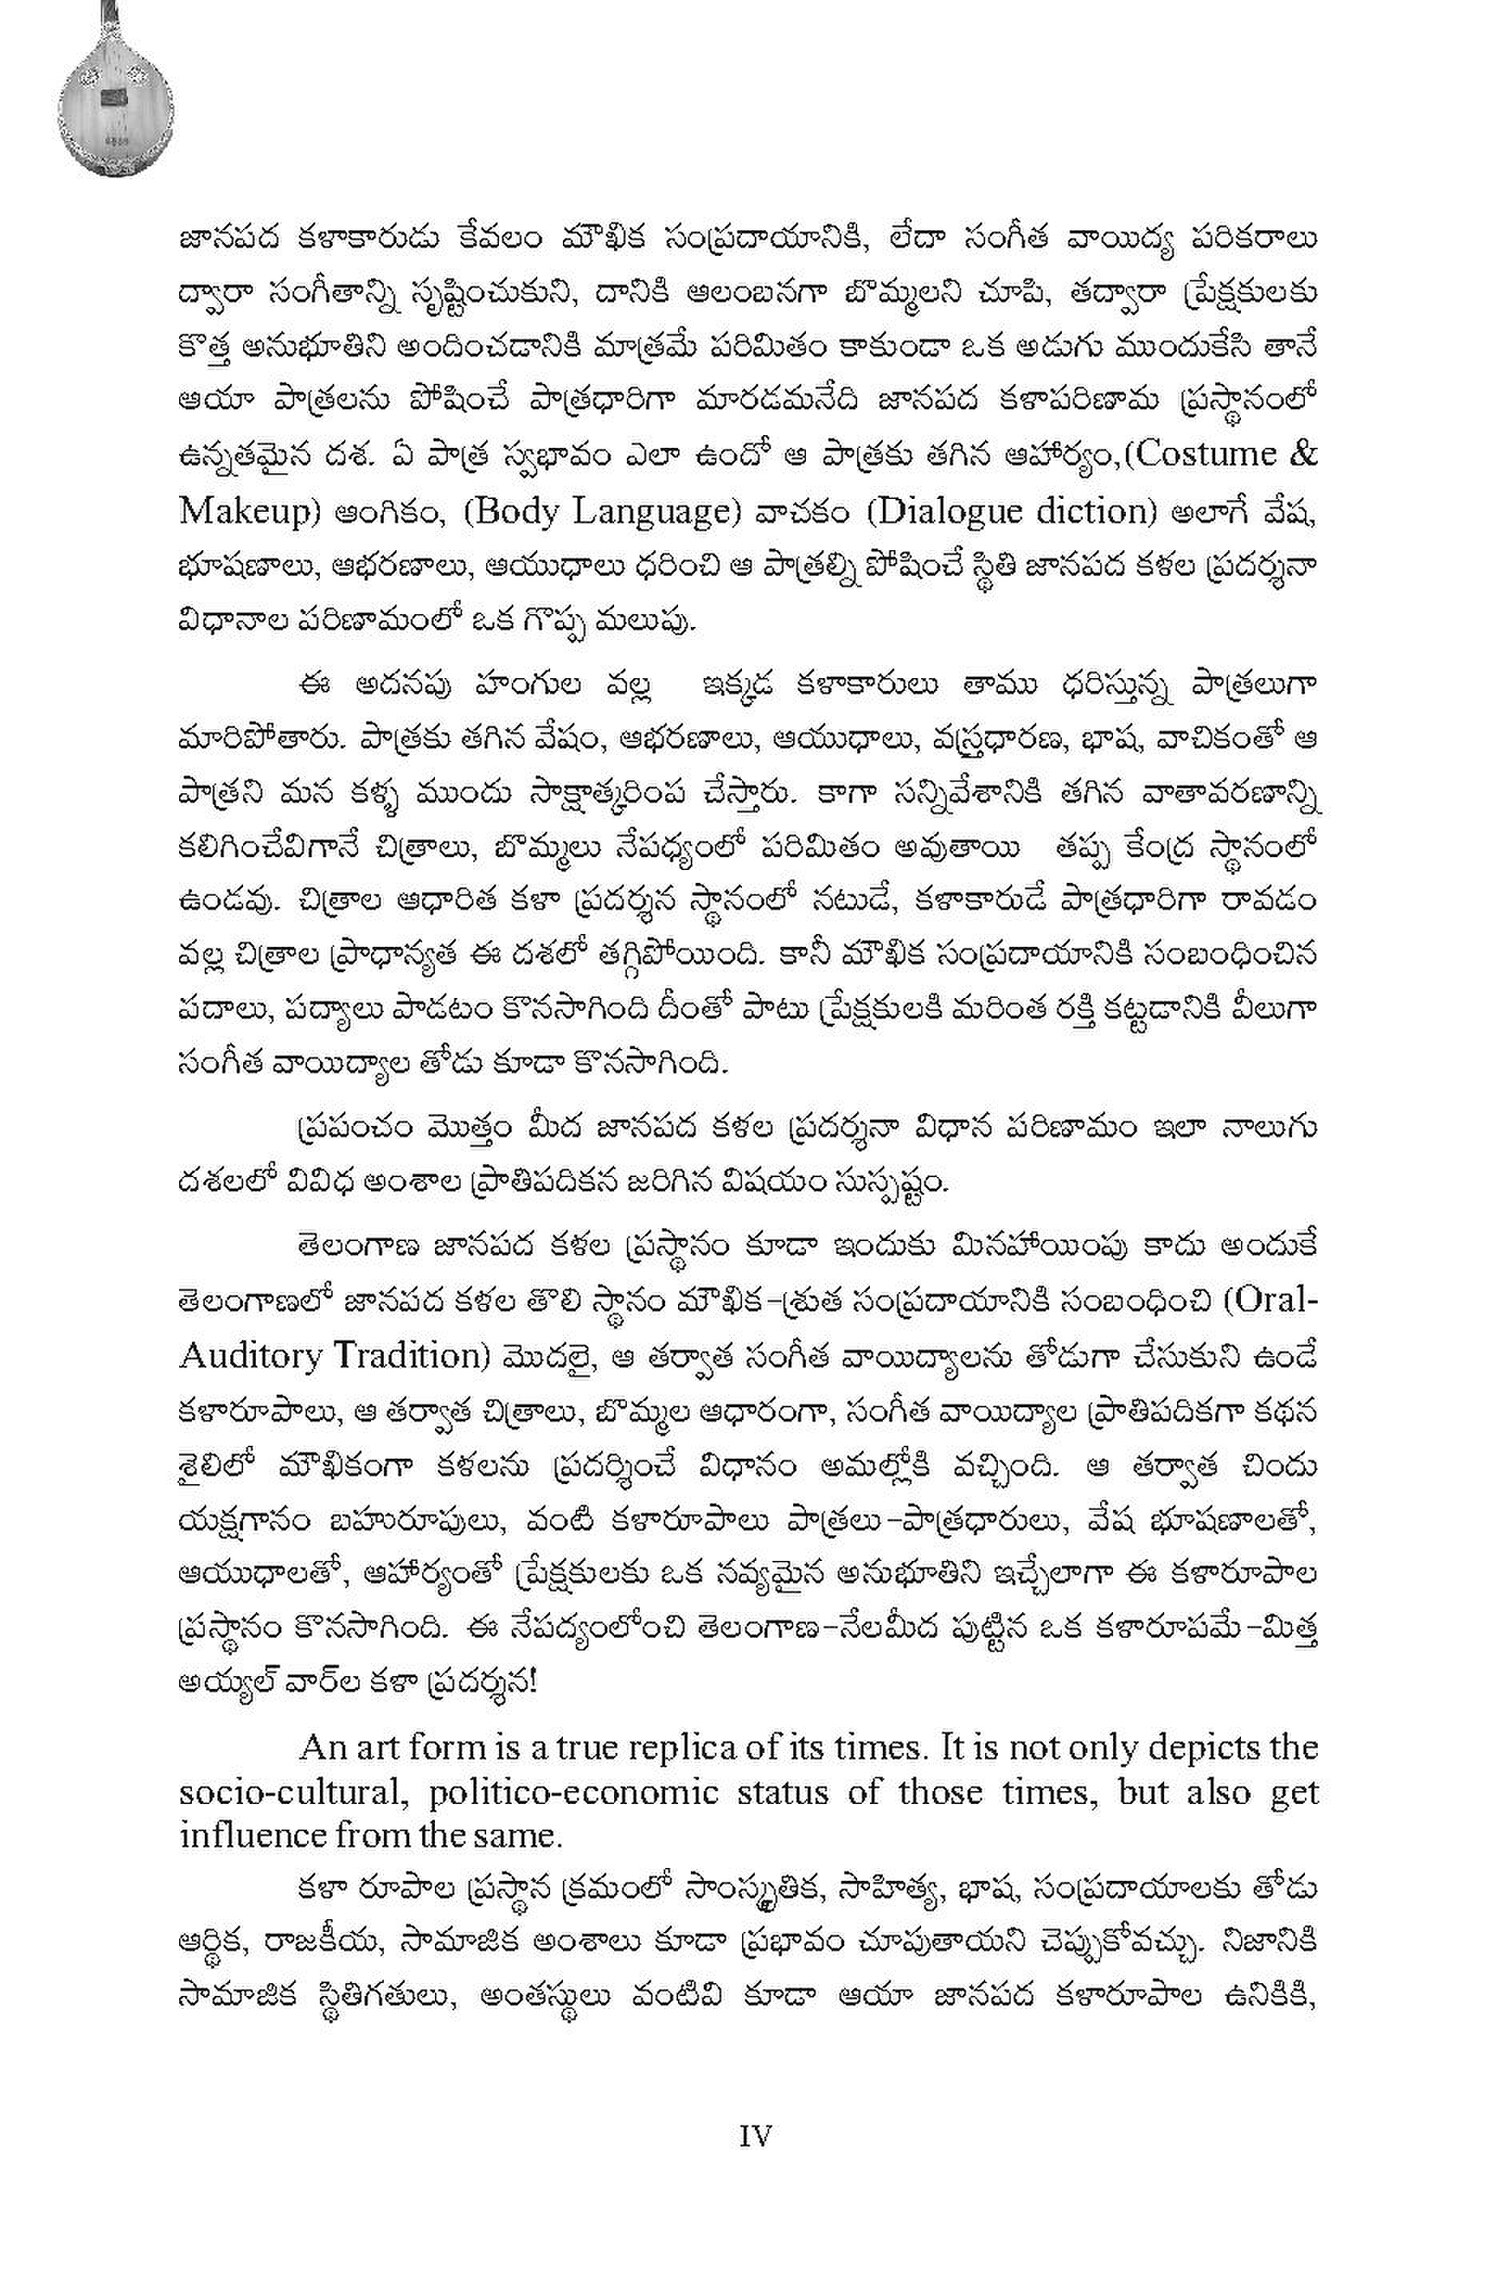జానపద కళాకారుడు కేవలం మౌఖిక సంప్రదాయానికి, లేదా సంగీత వాయిద్య పరికరాలు ద్వారా సంగీతాన్ని సృష్టించుకుని, దానికి ఆలంబనగా బొమ్మలని చూపి, తద్వారా ప్రేక్షకులకు కొత్త అనుభూతిని అందించడానికి మాత్రమే పరిమితం కాకుండా ఒక అడుగు ముందుకేసి తానే ఆయా పాత్రలను పోషించే పాత్రధారిగా మారడమనేది జానపద కళాపరిణామ ప్రస్థానంలో
ఉన్నతమైన దశ. ఏ పాత్ర స్వభావం ఎలా ఉందో ఆ పాత్రకు తగిన ఆహార్యం, (Costume & Makeup) ఆంగికం, (Body Language) వాచకం (Dialogue diction) అలాగే వేష, భూషణాలు, ఆభరణాలు, ఆయుధాలు ధరించి ఆ పాత్రల్ని పోషించే స్థితి జానపద కళల ప్రదర్శనా విధానాల పరిణామంలో ఒక గొప్ప మలుపు.

ఈ అదనపు హంగుల వల్ల ఇక్కడ కళాకారులు తాము ధరిస్తున్న పాత్రలుగా మారిపోతారు. పాత్రకు తగిన వేషం, ఆభరణాలు, ఆయుధాలు, వస్త్రధారణ, భాష, వాచికంతో ఆ పాత్రని మన కళ్ళ ముందు సాక్షాత్కరింప చేస్తారు. కాగా సన్నివేశానికి తగిన వాతావరణాన్ని కలిగించేవిగానే చిత్రాలు, బొమ్మలు నేపధ్యంలో పరిమితం అవుతాయి తప్ప కేంద్ర స్థానంలో ఉండవు. చిత్రాల ఆధారిత కళా ప్రదర్శన స్థానంలో నటుడే, కళాకారుడే పాత్రధారిగా రావడం వల్ల చిత్రాల ప్రాధాన్యత ఈ దశలో తగ్గిపోయింది. కానీ మౌఖిక సంప్రదాయానికి సంబంధించిన పదాలు, పద్యాలు పాడటం కొనసాగింది దీంతో పాటు ప్రేక్షకులకి మరింత రక్తి కట్టడానికి వీలుగా సంగీత వాయిద్యాల తోడు కూడా కొనసాగింది.

ప్రపంచం మొత్తం మీద జానపద కళల ప్రదర్శనా విధాన పరిణామం ఇలా నాలుగు దశలలో వివిధ అంశాల ప్రాతిపదికన జరిగిన విషయం సుస్పష్టం.

తెలంగాణ జానపద కళల ప్రస్థానం కూడా ఇందుకు మినహాయింపు కాదు అందుకే తెలంగాణలో జానపద కళల తొలి స్థానం మౌఖిక - శ్రుత సంప్రదాయానికి సంబంధించి (Oral-Auditory Tradition) మొదలై, ఆ తర్వాత సంగీత వాయిద్యాలను తోడుగా చేసుకుని ఉండే కళారూపాలు, ఆ తర్వాత చిత్రాలు, బొమ్మల ఆధారంగా, సంగీత వాయిద్యాల ప్రాతిపదికగా కథన
శైలిలో మౌఖికంగా కళలను ప్రదర్శించే విధానం అమల్లోకి వచ్చింది. ఆ తర్వాత చిందు యక్షగానం బహురూపులు, వంటి కళారూపాలు పాత్రలు-పాత్రధారులు, వేష భూషణాలతో, ఆయుధాలతో, ఆహార్యంతో ప్రేక్షకులకు ఒక నవ్యమైన అనుభూతిని ఇచ్చేలాగా ఈ కళారూపాల ప్రస్థానం కొనసాగింది. ఈ నేపద్యంలోంచి తెలంగాణ-నేలమీద పుట్టిన ఒక కళారూపమే -మిత్త అయ్యల్ వార్ల కళా ప్రదర్శన!

An art form is a true replica of its times. It is not only depicts the socio-cultural, politico-economic status of those times, but also get influence from the same.

కళా రూపాల ప్రస్థాన క్రమంలో సాంస్కృతిక, సాహిత్య, భాష, సంప్రదాయాలకు తోడు ఆర్థిక, రాజకీయ, సామాజిక అంశాలు కూడా ప్రభావం చూపుతాయని చెప్పుకోవచ్చు. నిజానికి సామాజిక స్థితిగతులు, అంతస్థులు వంటివి కూడా ఆయా జానపద కళారూపాల ఉనికికి,